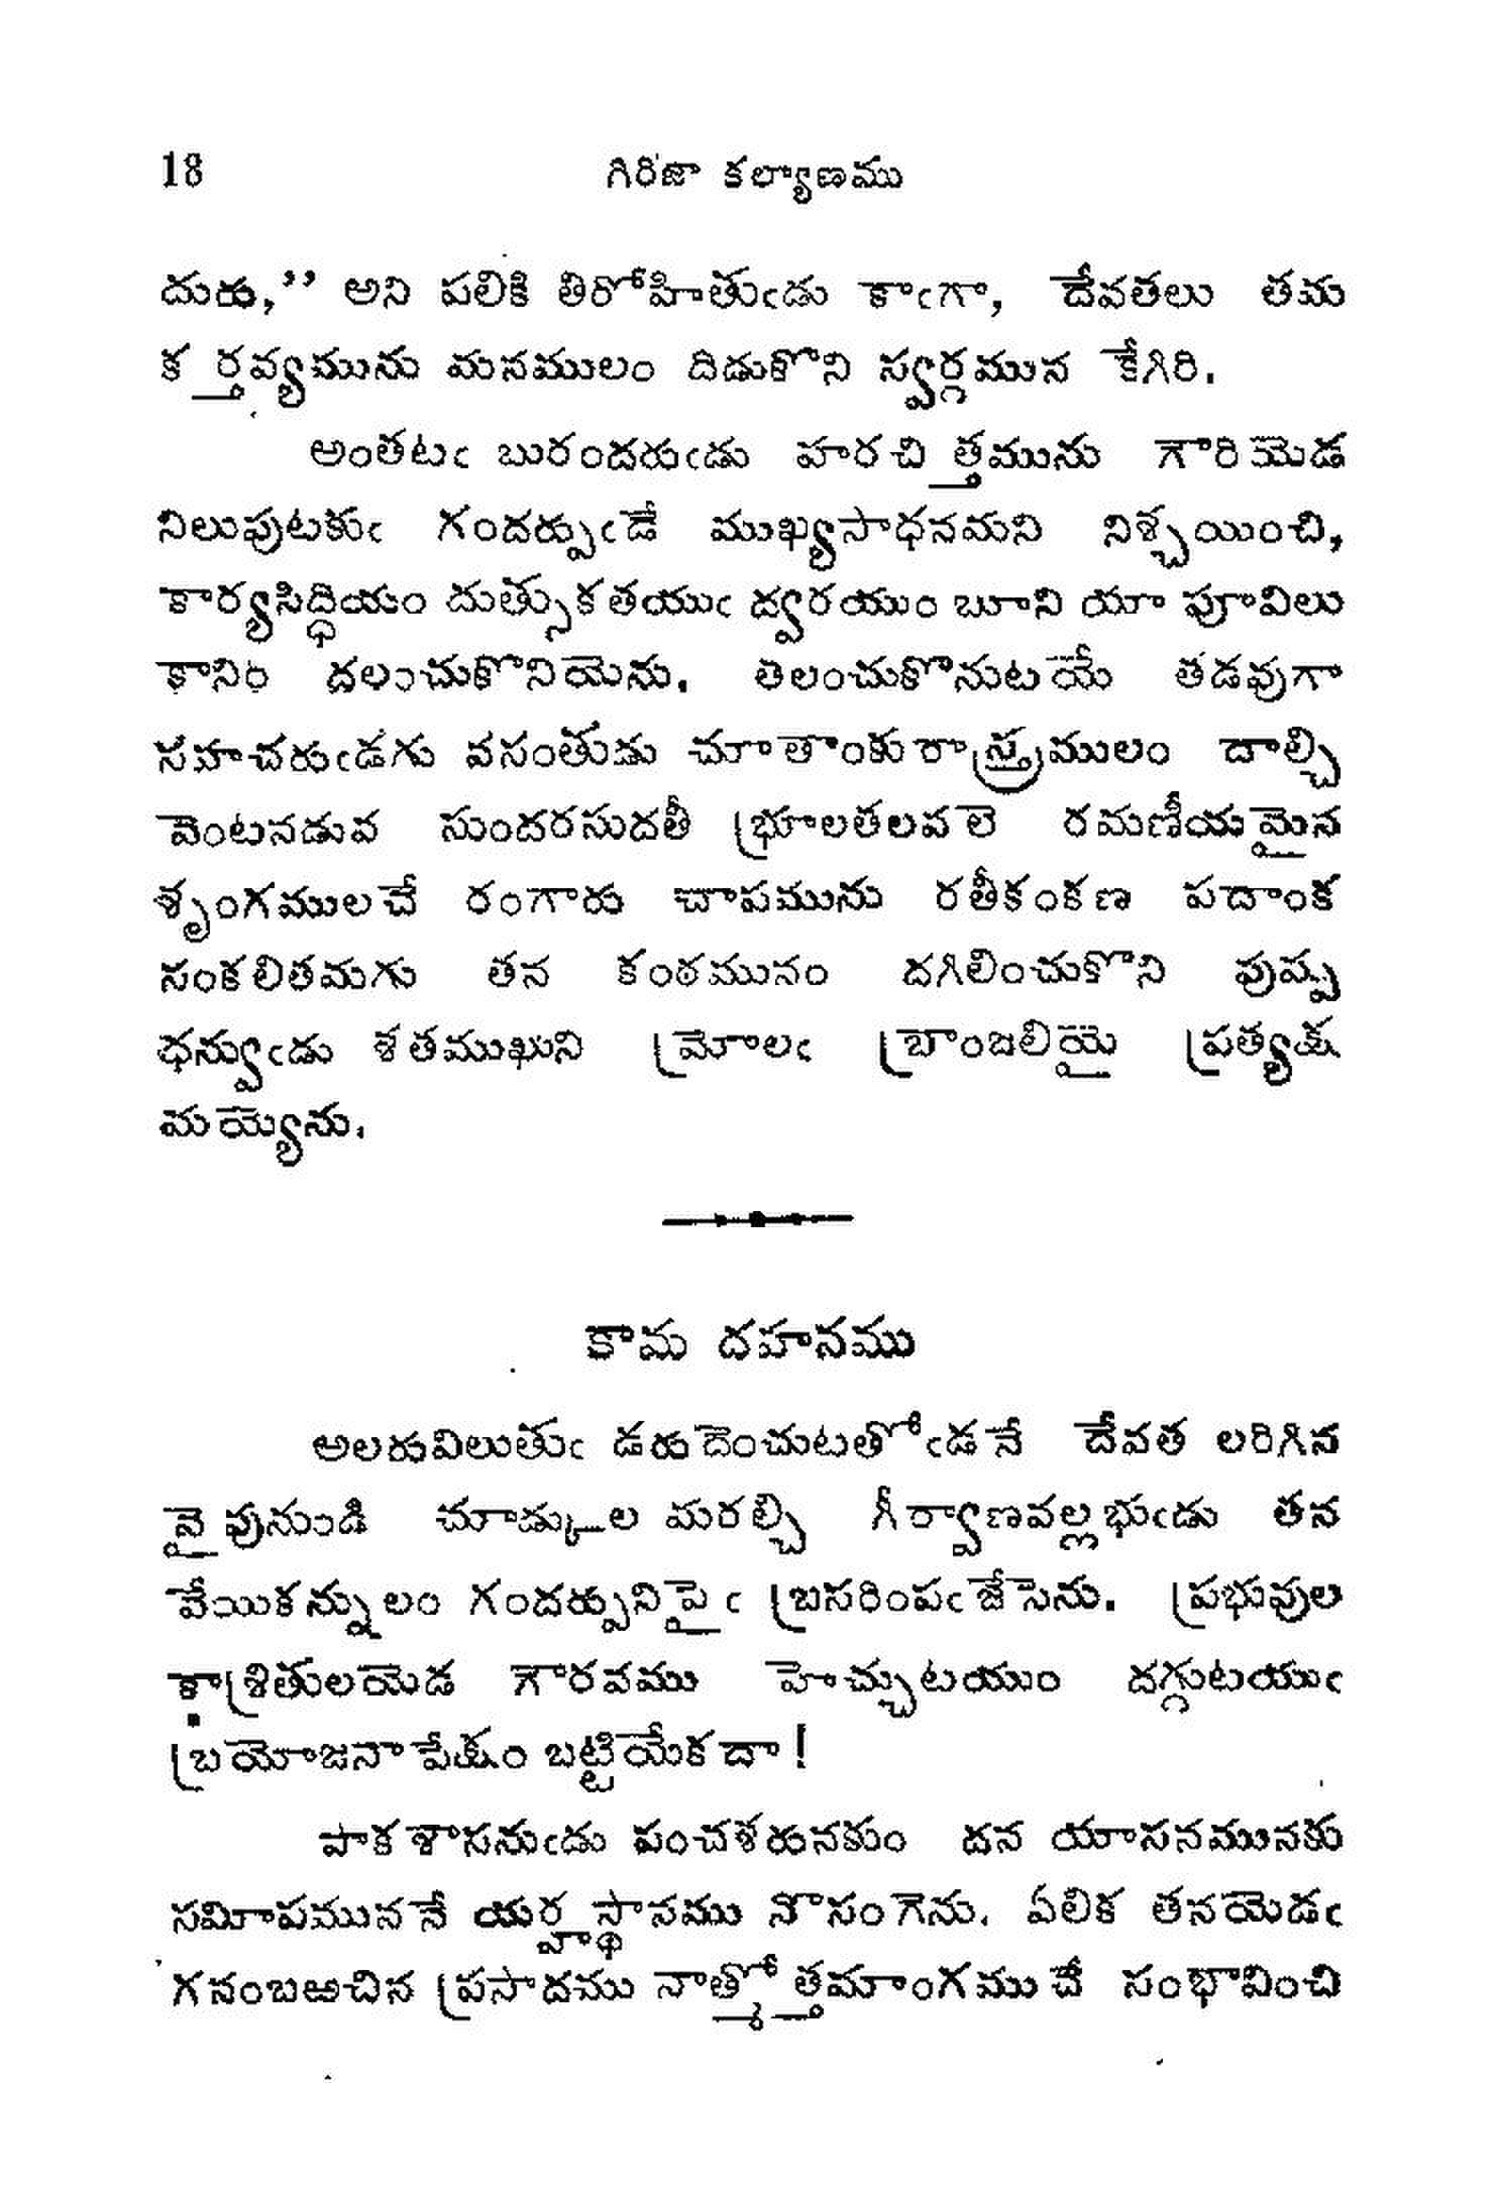దురు” అని పలికి తిరోహితుఁడు కాఁగా, దేవతలు తమ కర్తవ్యమును మనములం దిడుకొని స్వర్గమున కేగిరి.

అంతటఁ బురందరుఁడు హరచి త్తమును గౌరి యెడ నిలుపుటకుఁ గందర్పుఁడే ముఖ్య సాధనమని నిశ్చయించి,
కార్యసిద్ధియం దుత్సుకతయుఁ ద్వరయుం బూని యా పూవిలు కానిరి దలంచుకొనియెను. తలంచుకొనుటయే తడవుగా
సహచరుఁడగు వసంతుడు చూతాంకురాస్త్రములం దాల్చి వెంటనడువ సుందరసుదతీ భ్రూలతలవలె రమణీయమైన
శృంగములచే రంగారు చాపమును రతీకంకణ పదాంక సంకలితమగు తన కంఠమునం దగిలించుకొని పుష్పధన్వుఁడు శతముఖుని మ్రోలఁ బ్రాంజలియై ప్రత్యక్షమయ్యెను.

కామ దహనము

అలరువిలుతుఁ డరుదెంచుటతోఁడనే దేవత లరిగిన వైపునుండి చూడ్కుల మరల్చి గీర్వాణవల్లభుఁడు తన వేయికన్నులం గందర్పునిపైఁ బ్రసరింపఁ జేసెను. ప్రభువులు కాశ్రితులయెడ గౌరవము హెచ్చుటయుం దగ్గుటయుఁ బ్రయోజనా పేక్షం బట్టియేకదా!

పాకశాసనుఁడు పంచశరునకుం దన యాసనమునకు సమీపముననే యర్హ స్థానము నొసంగెను. ఏలిక తనయెడఁ గనంబఱచిన ప్రసాదము నాత్మొ త్తమాంగముచే సంభావించి